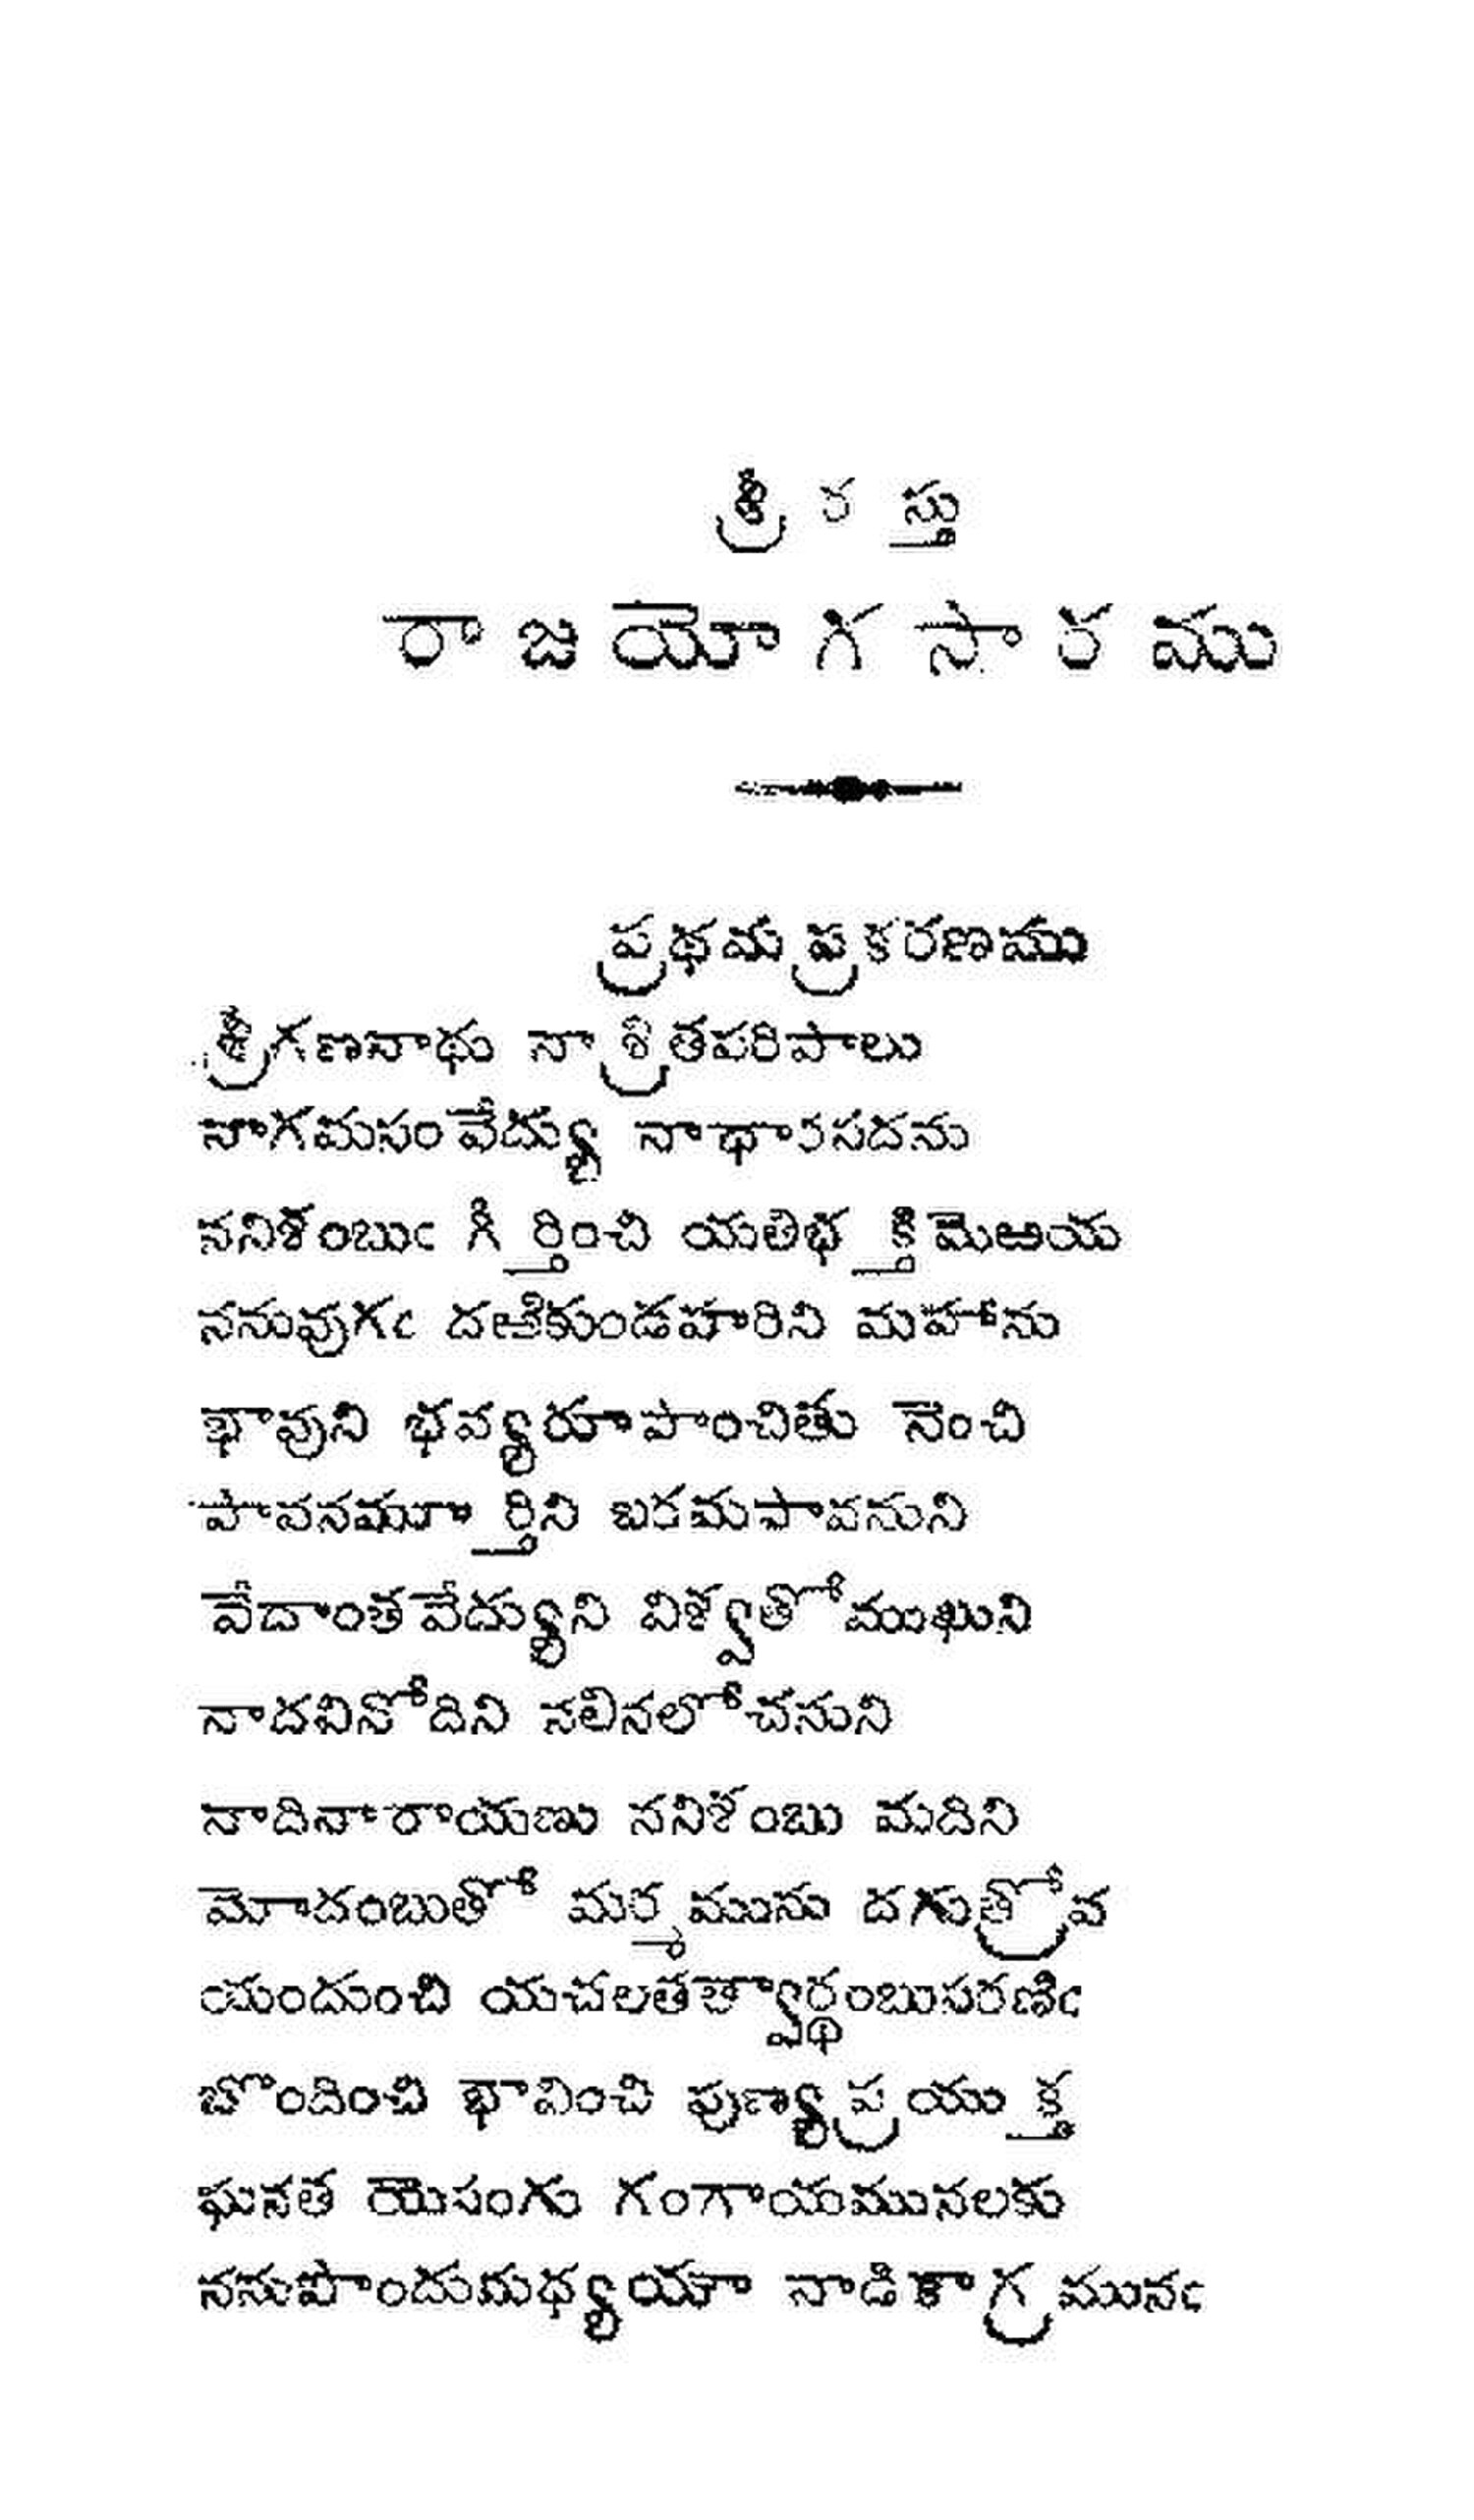శ్రీగణనాథు నాశ్రితపరిపాలు
నాగమసంవేద్యు నాధారసదను
ననిశంబుఁ గీర్తించి యతిభక్తి మెఱయ
ననువుగఁ దఱికుండహరిని మహాను
భావుని భవ్యరూపాంచితు నెంచి
పావనమూర్తిని బరమపావనుని
వేదాంతవేద్యుని విశ్వతోముఖుని
నాదవినోదిని నలినలోచనుని
నాదినారాయణు ననిశంబు మదిని
మోదంబుతో మర్మమును దగుత్రోవ
యందుంచి యచలతత్వార్థంబుసరణిఁ
బొందించి భావించి పుణ్యప్రయుక్త
ఘనత యెసంగు గంగాయమునలకు
ననుపొందుమధ్యయౌ నాడికాగ్రమునఁ